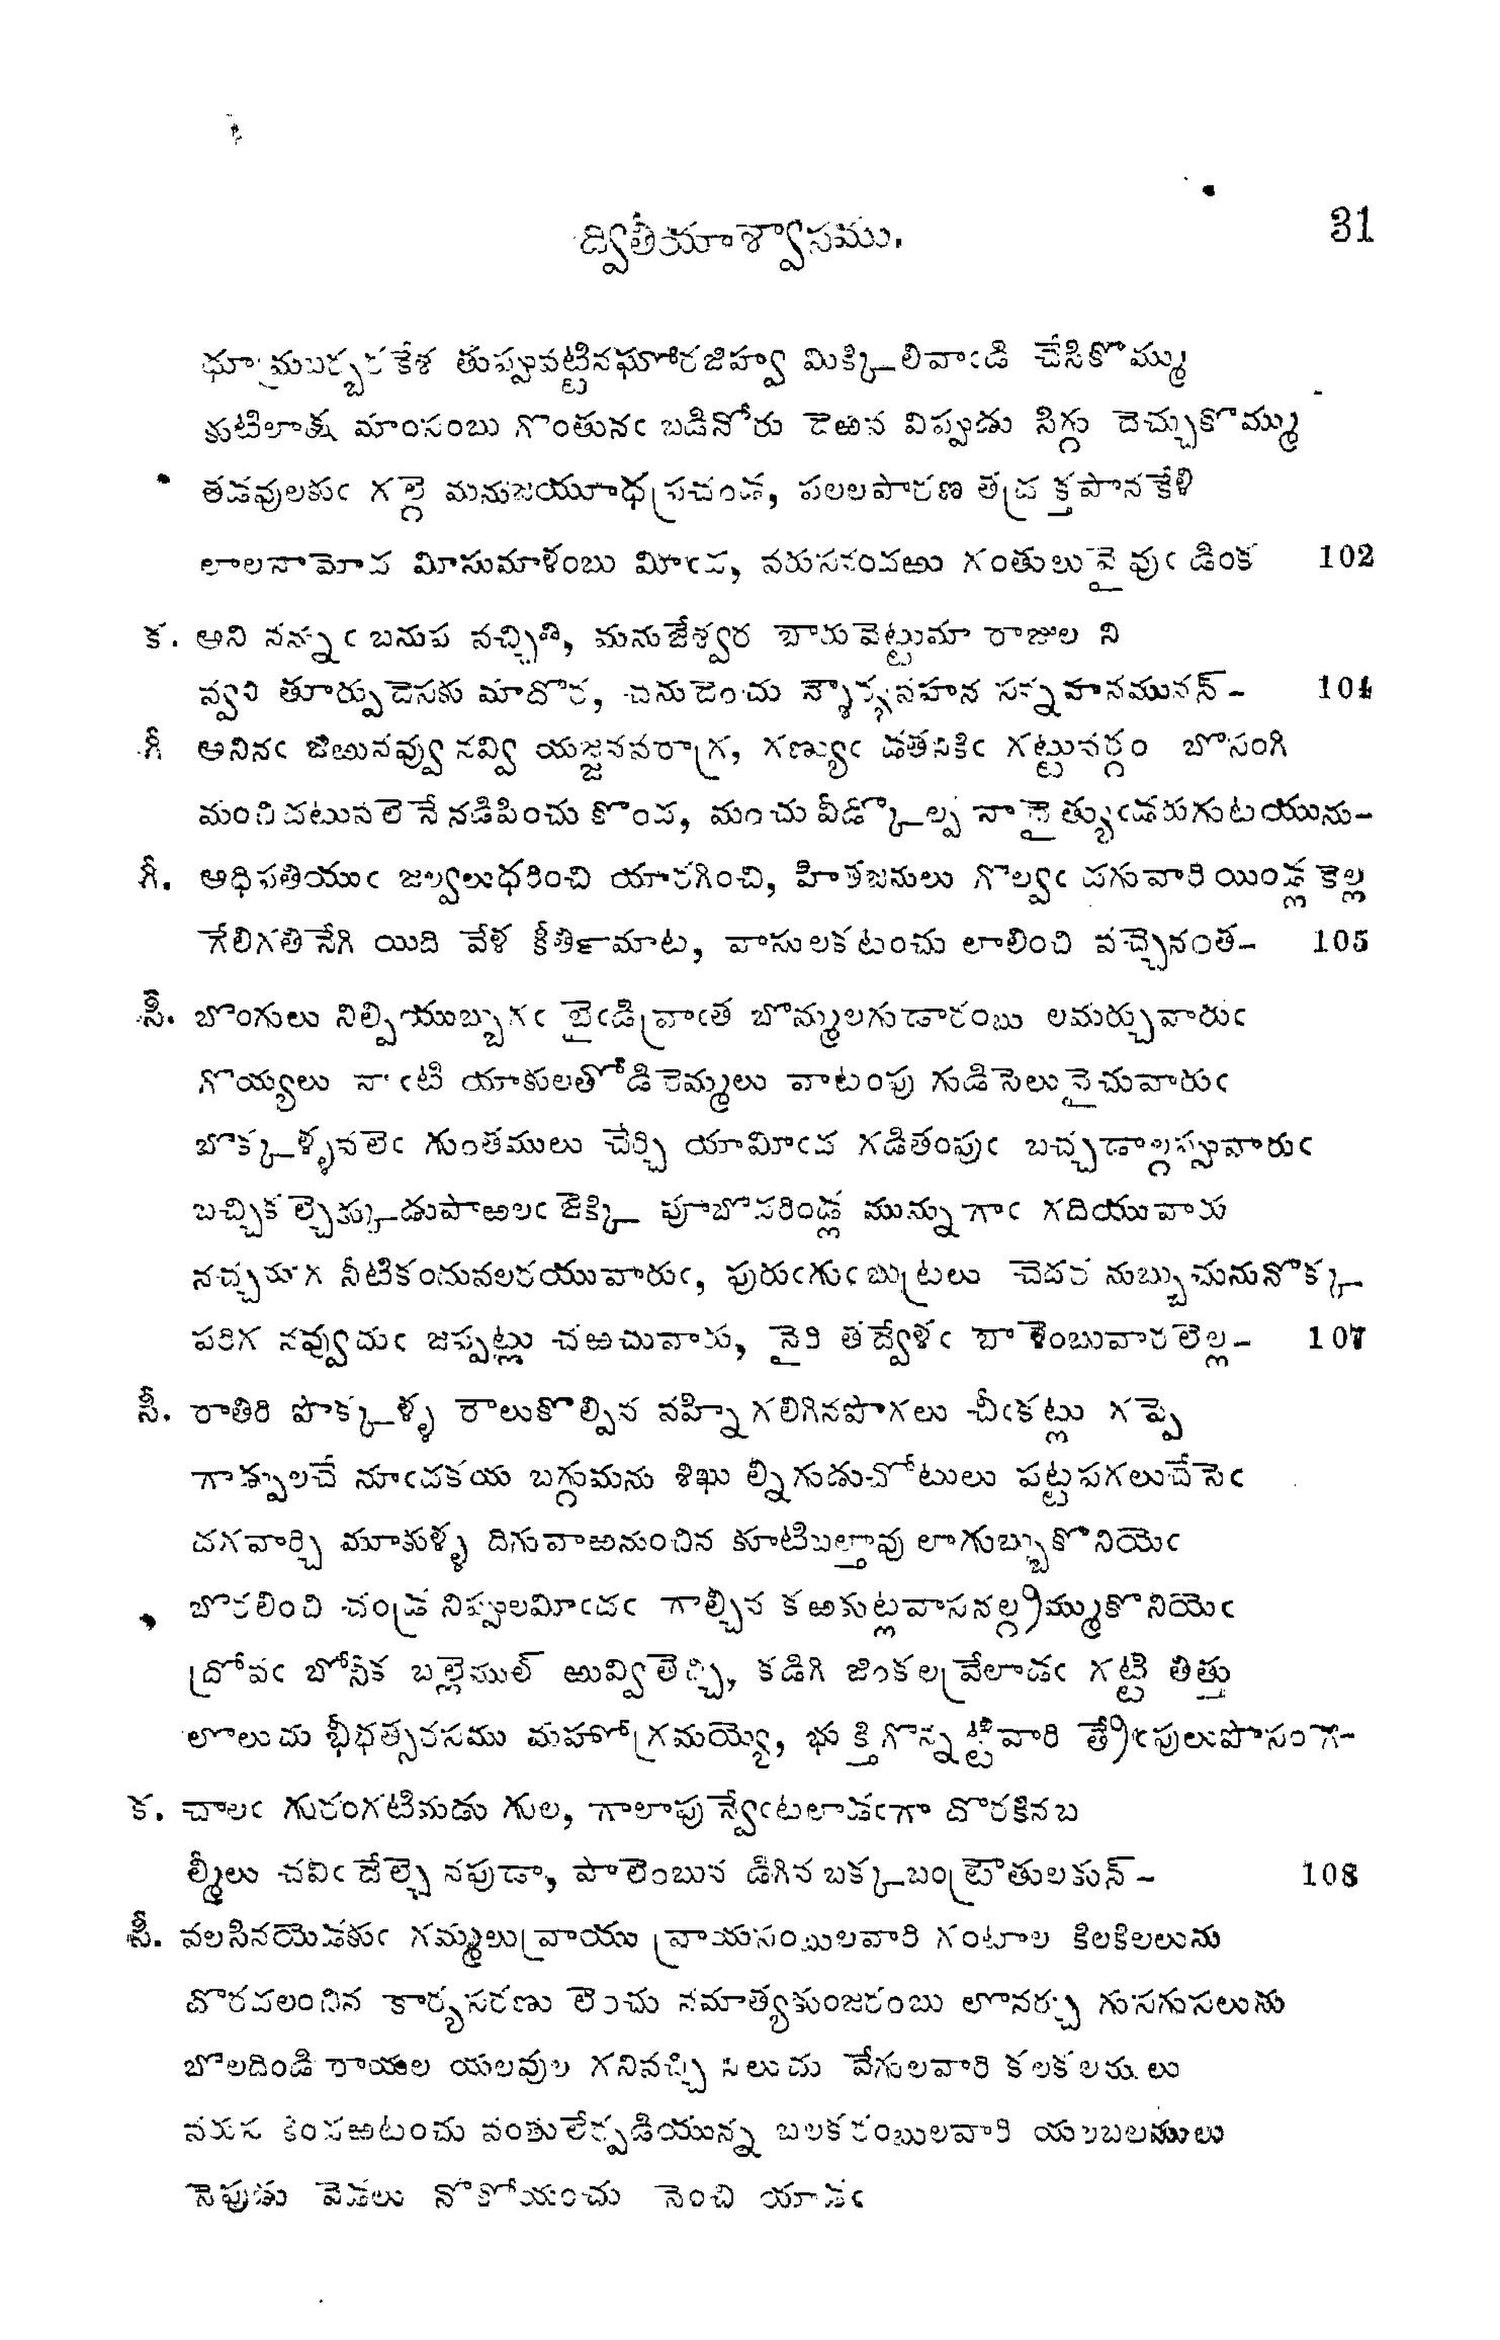ధూమ్రబర్బరకేశ తుప్పుపట్టినఘోరజిహ్వ మిక్కిలివాఁడి చేసికొమ్ము
కుటిలాక్ష మాంసంబు గొంతునఁ బడినోరు దెఱవ విప్పుడు సిగ్గు దెచ్చుకొమ్ము
తడవులకుఁ గల్లె మనుజయూధప్రచండ, పలలపారణ తద్రక్తపానకేళి
లాలనామోద మీసుమాళంబు మీఁ, వరుసనందఱు గంతులు వైవుఁ డింక.
క. అని నన్నుఁ బనుప వచ్చితి, మనుజేశ్వర బారువెట్టుమా రాజుల ని
వ్వని తూర్పుదెసకు మాదొర, చనుదెంచు న్శౌర్యవహనసన్నహనమునన్.
గీ. అనినఁ జిఱునవ్వు నవ్వి యజ్జనవరాగ్ర, గణ్యుఁ డతనికిఁ గట్టువర్గం బొసంగి
మంచి దటువలెనే నడిపించుకొంద, మంచు వీడ్కొల్ప నాదైత్యుఁ డరుగుటయును.
గీ. అధిపతియుఁ జల్వలు ధరించి యారగించి, హితజనులు గొల్వఁ దగువారియిండ్ల కెల్ల
గేలిగితి నేగి యిది వేళ కీర్తిమాట, వాసులకటంచు లాలించి వచ్చెనంత.
సీ. బొంగులు నిల్పి యుబ్బుగఁ బైఁడివ్రాఁత బొమ్మలగుడారంబు లమర్చువారుఁ
గొయ్యలు నాఁటి యాకులతోడిరెమ్మలు వాటంపుగుడిసెలు వైచువారుఁ
బొక్కళ్ళవలెఁ గుంతములు చేర్చి యామీఁద గడితంపుఁ బచ్చడా ల్గప్పువారుఁ
బచ్చిక ల్చెక్కుడుపాఱలఁ జెక్కి పూబొదరిండ్ల మున్నుగాఁ గదియువారు
నచ్చముగ నీటికందువ లరయువారుఁ, పురుఁగుఁబుట్రలు చెదర నుబ్బుచును నొక్క
పరిగ నవ్వుచుఁ జప్పట్లు చఱచువారు, నైరి తద్వేళఁ బాళెంబువారలెల్ల.
సీ. రాతిరి పొక్కళ్ళ రౌలుకొల్పిన వహ్నిగలిగినపొగలు చీఁకట్లు గప్పె
గాడ్పులచే నూఁదకయ బగ్గుమను శిఖు ల్నిగుడుచోటులు పట్టపగలు చేసెఁ
దగవార్చి మూకుళ్ళ దిగువాఱనుంచిన కూటిబల్తావు లాగుబ్బకొనియెఁ
బొరలించి చండ్రనిప్పులమీఁదఁ గాల్చిన కఱకుట్లవాసన ల్గ్రమ్ముకొనియెఁ
ద్రోవఁ బోనీక బల్లెముల్ ఱువ్వి తెచ్చి, కడిగి జింకల వ్రేలాడఁ గట్టి తిత్తు
లొలుచు భీభత్సరసము మహోగ్రమయ్యె, భుక్తి గొన్నట్టివారి త్రేఁపులు పొసంగె.
క. చాలఁ గురంగటిమడుగుల, గాలాపున్వేఁటలాడఁగా దొరకినబ
ల్మీలు చవిఁ దేల్చె నపు డా, పాలెంబున డిగిన బక్కబంట్రౌతులకున్.
సీ. వలసినయెడకుఁ గమ్మలు వ్రాయు వ్రాయసంబులవారి గంటాల కిలకిలలును
దొరవలంచిన కారృసరణు లెంచు నమాత్యకుంజరంబు లొనర్చు గుసగుసలును
బొలదిండి రాయల యలవుల గనివచ్చి నిలుచు వేగులవారి కలకలములు
నరుస కిందఱటంచు వంతులేర్పడియున్న బలకరంబులవారి యలబలములు
నెపుడు వెడలునొకోయంచు నెంచి యాడఁ